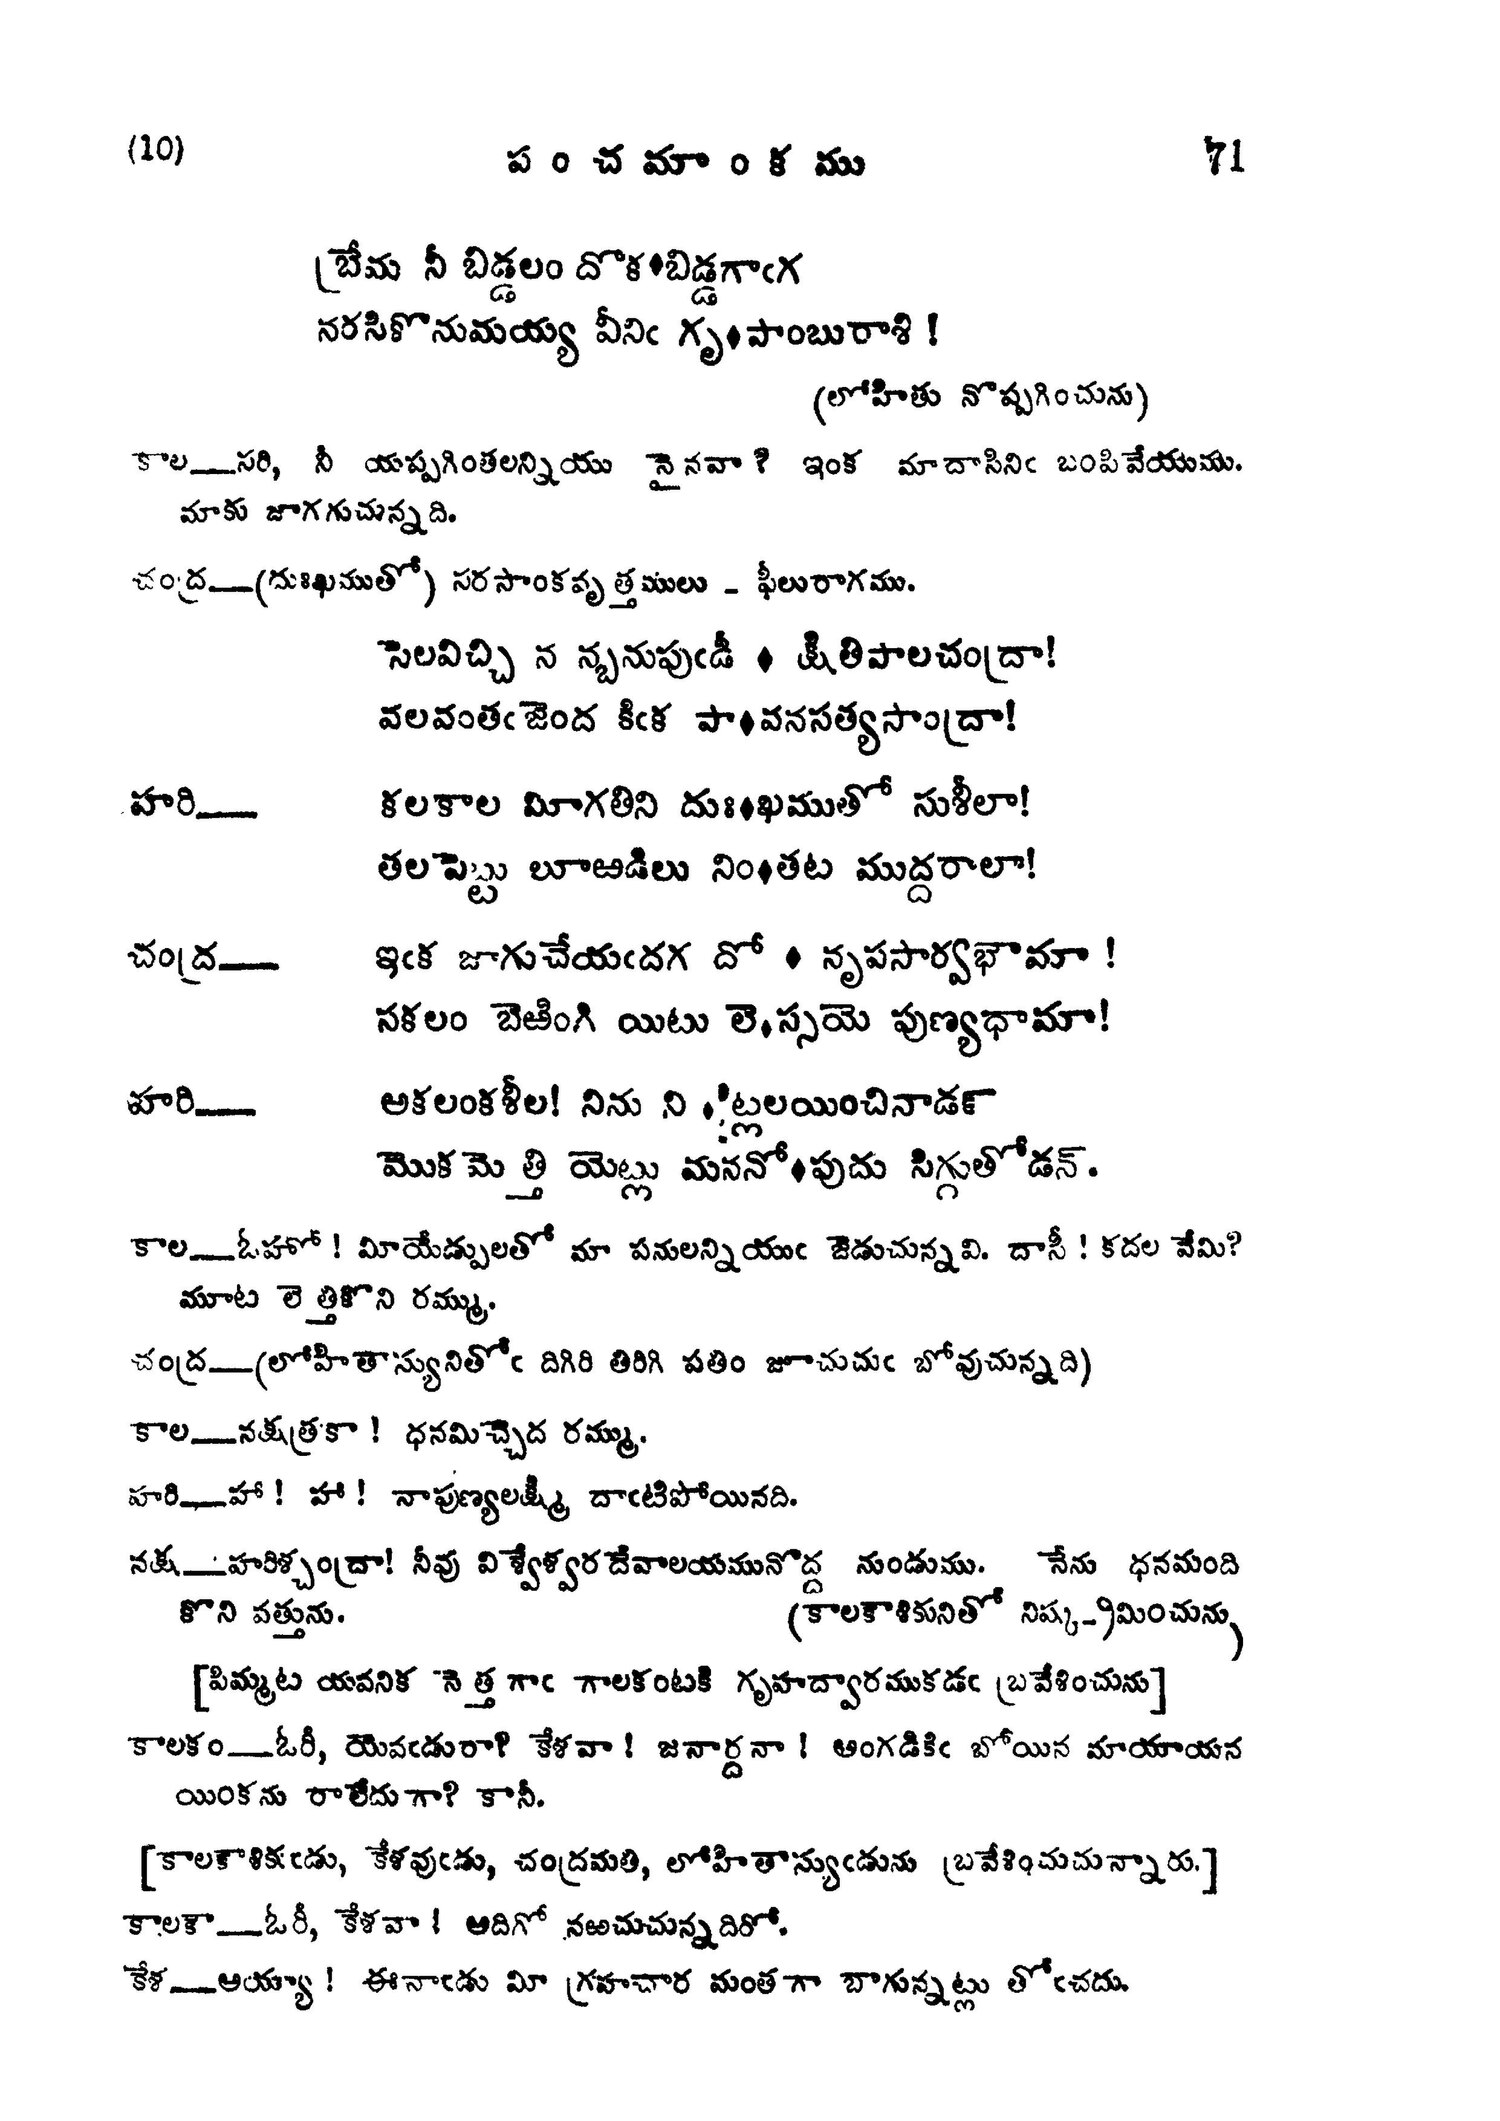బ్రేమ నీ బిడ్డలందొక బిడ్డగాఁగ
నరసి కొనుమయ్య వీనిఁ గృపాంబురాశి!

(లోహితు నొప్పగించును)

కాల: 	సరి, నీ యొప్పగింతలన్నియు నైనవా? ఇంక మా దాసినిఁ బంపివేయుము. మాకు జాగగుచున్నది.

చంద్ర: 	(దుఃఖముతో) (సరసాంక వృత్తములు - ఫీలు రాగము)
సెలవిచ్చి నన్బంపుడీ క్షితిపాలచంద్రా!
నలవంత జెందకిఁక పావన సత్యసాంద్రా!

హరి: 	కలకాల మీ గతిని దుఃఖముతో సుశీలా!
తలపెట్టు టూఱడిలు నింతట ముద్దరాలా!

చంద్ర: 	ఇక జాగుచేయదగదో నృపసార్వభౌమా!
సకలం బెఱింగి యిటు లెస్సయ పుణ్యధామా!

హరి: 	అకలంకశీల! నిను నిట్లలయించినాఁడన్‌
మొగమెత్తి యెట్లు గననోపుదు సిగ్గు తోడన్‌.

కాల: 	ఓహో! మీ ఏడ్పుతో మా పనులన్నియు జెడుచున్నవి. దాసీ కదలవేమి? మూటలెత్తుకొని రమ్ము.

చంద్ర: 	(లోహితాస్యునితోఁ దిరిగి తిరిగి పతిం జూచుచుఁ బోవుచున్నది)

హరి: 	హా! హా! నా పుణ్యలక్ష్మి దాఁటి పోయినది.

నక్ష: 	హరిశ్చంద్రా! నీవు విశ్వేశ్వరదేవాలయము నొద్ద నుండుము. నేను ధన మందికొని వత్తును.

(కాలకౌశికునితో నిష్క్రమించును. తెర వ్రాలును.)

(పిమ్మట యవనిక నెత్తగాఁ గాలకంటకి గృహద్వారముకడఁ బ్రవేశించును)

కాలకం: 	ఓరీ, యెవఁడురా? కేశవా! జనార్దనా! అంగడికిఁ బోయిన మా యాయన యింకను రాలేదుగా? కానీ

(కాలకౌశికుడు, కేశవుడు, చంద్రమతి, లోహితాస్యుడును ప్రవేశించుచున్నారు)

కాలకౌ: 	ఓరీ, కేశవా! అదిగో అరచుచున్నదిరో.

కేశ: 	ఈనాఁడు మీ గ్రహచార మంతగా బాగున్నట్లు తోఁచదు.